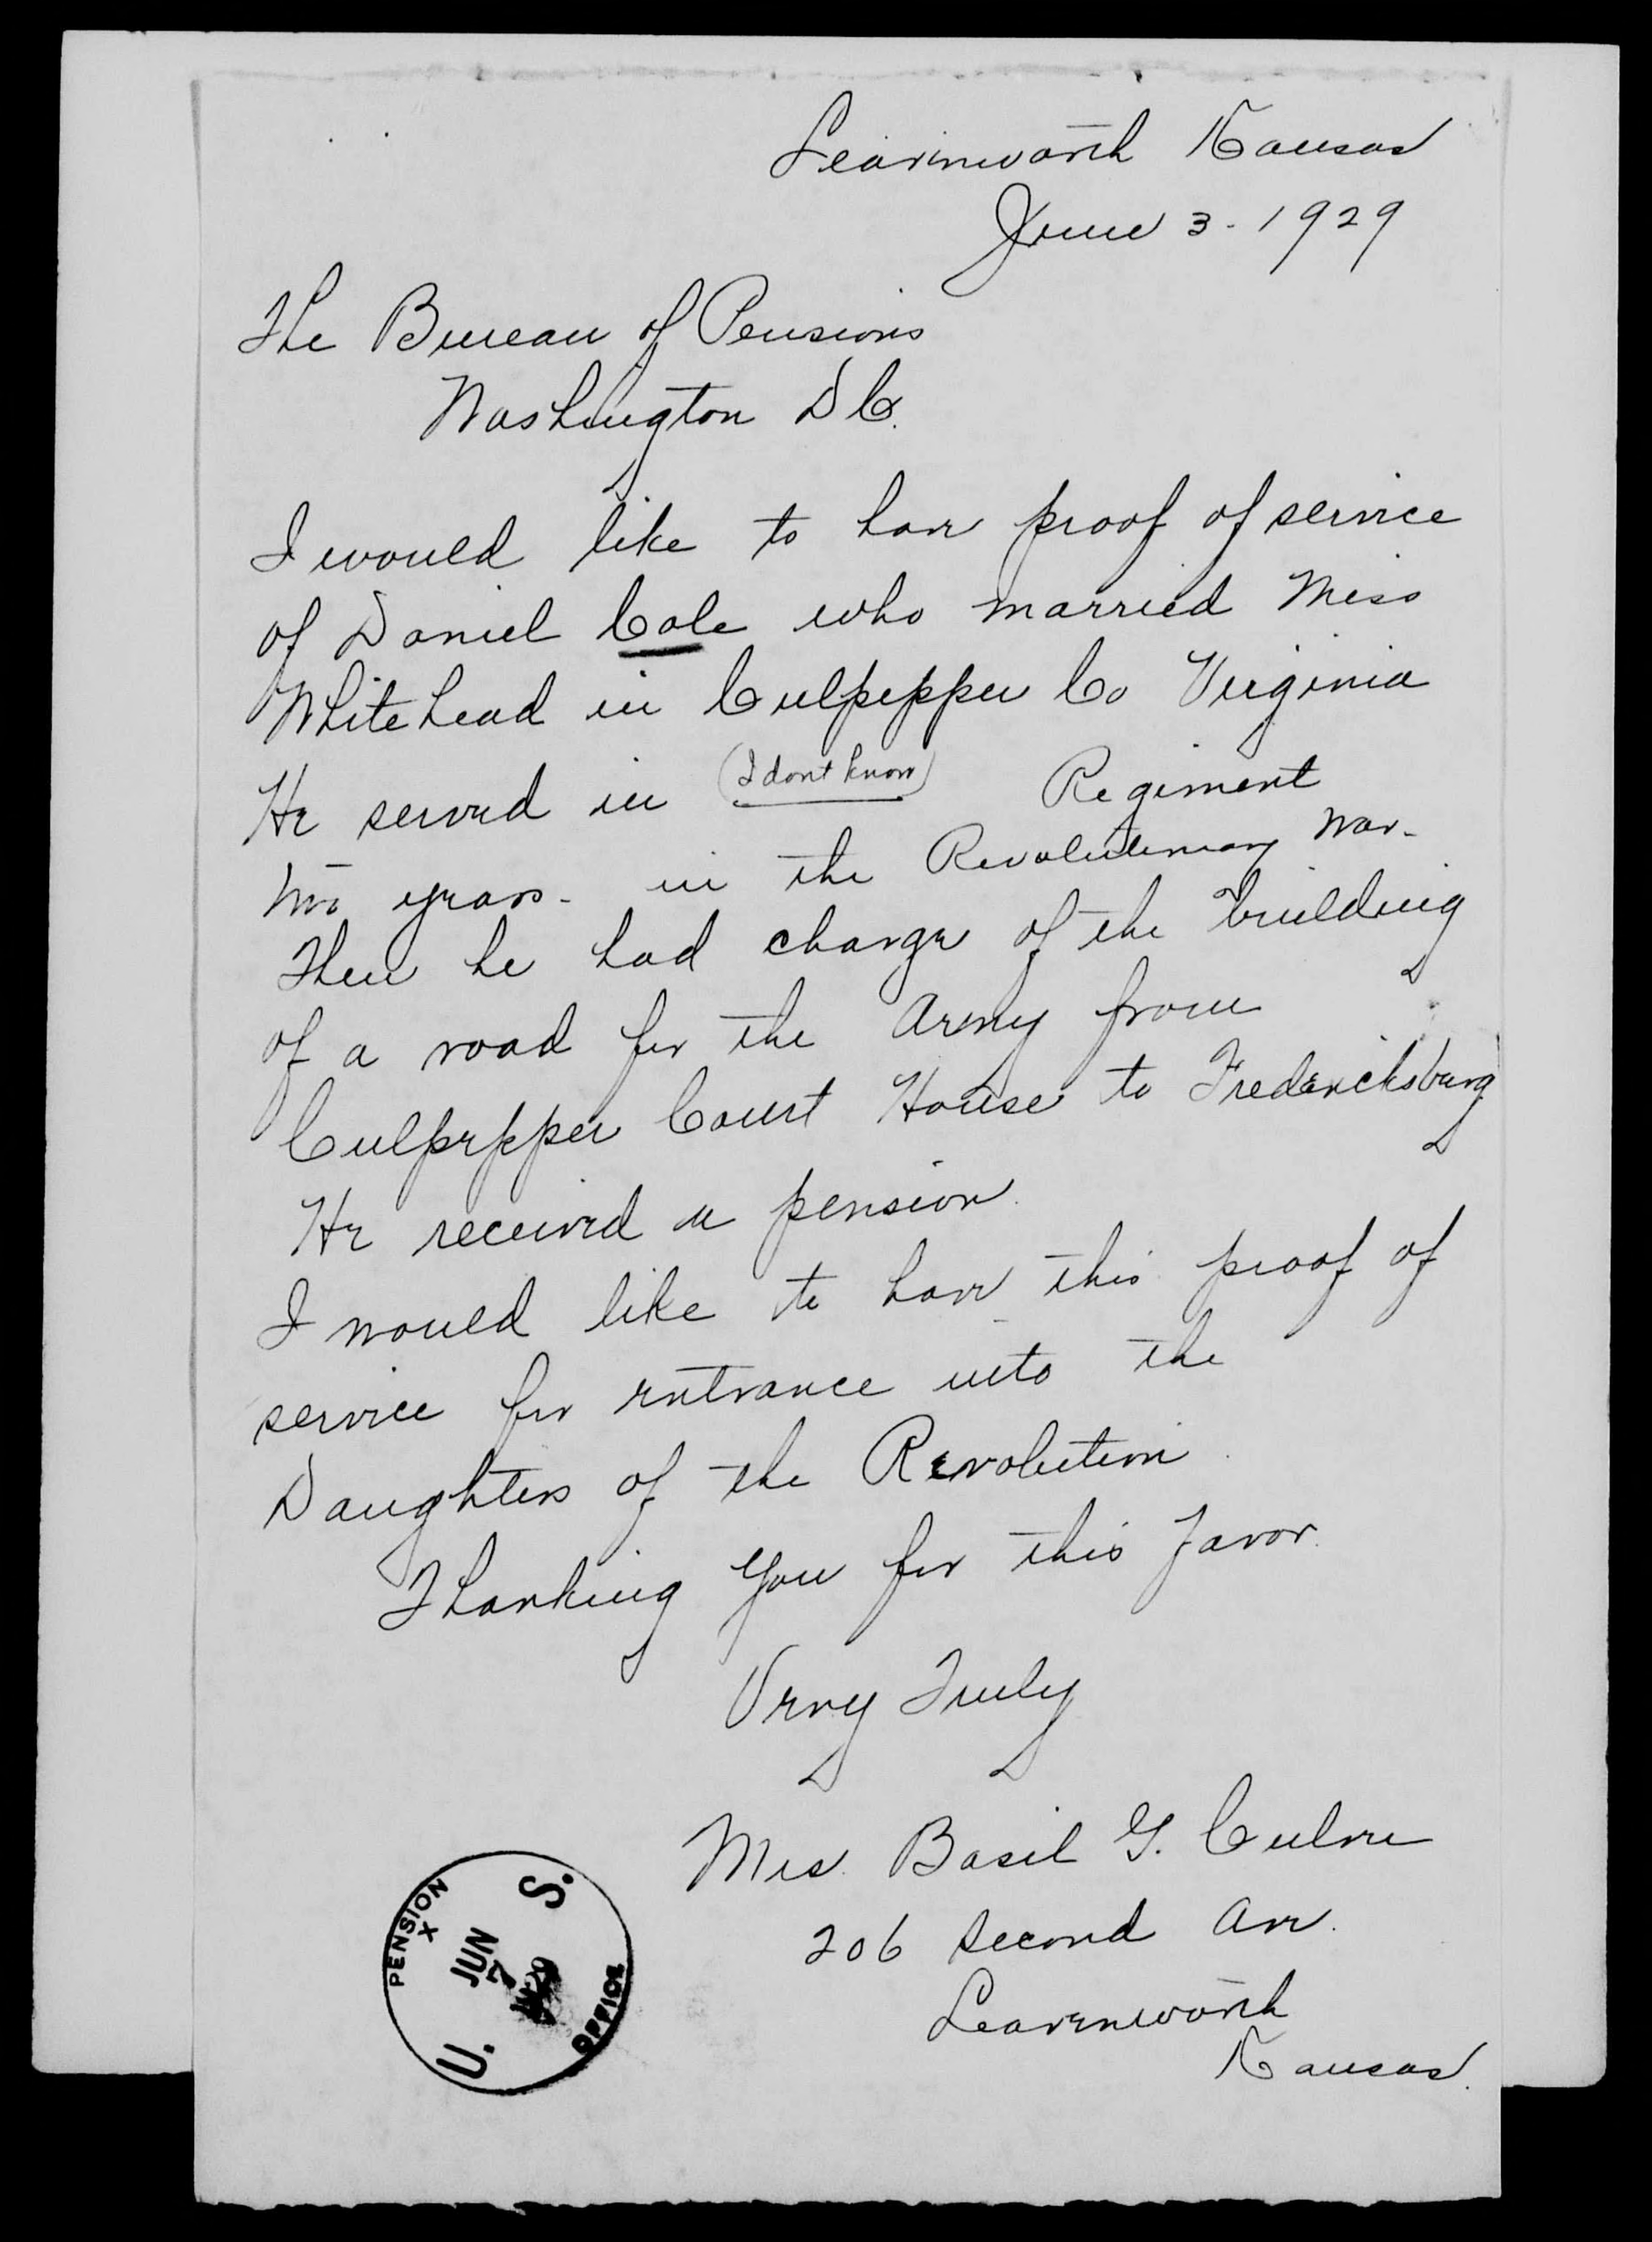Leavenworth Kansas
June 3. 1929

The Bureau of Pensions
Washington DC

I would like to have proof of service of Daniel Cole who married Miss
Whitehead in Culpepper Co Virginia He served in (I don't know) Regiment [illegible] years in the Revolutionary War. There he had charge of the building of a road for the Army from Culpepper Court House to Fredericksburg He received a pension. I would like to have this proof of service for entrance into the Daughters of the Revolution
Thanking you for this favor

Very Truly

Mrs Basil G. Culver
206 Second Ave
Leavenworth
Kansas

[black circular stamp U.S. PENSION OFFICE X JUN 7 1929]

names: Basil G Culver, Whitehead, Daniel Cole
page: 56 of 61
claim: survivor's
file: S. 8236, Daniel Cole, Va.